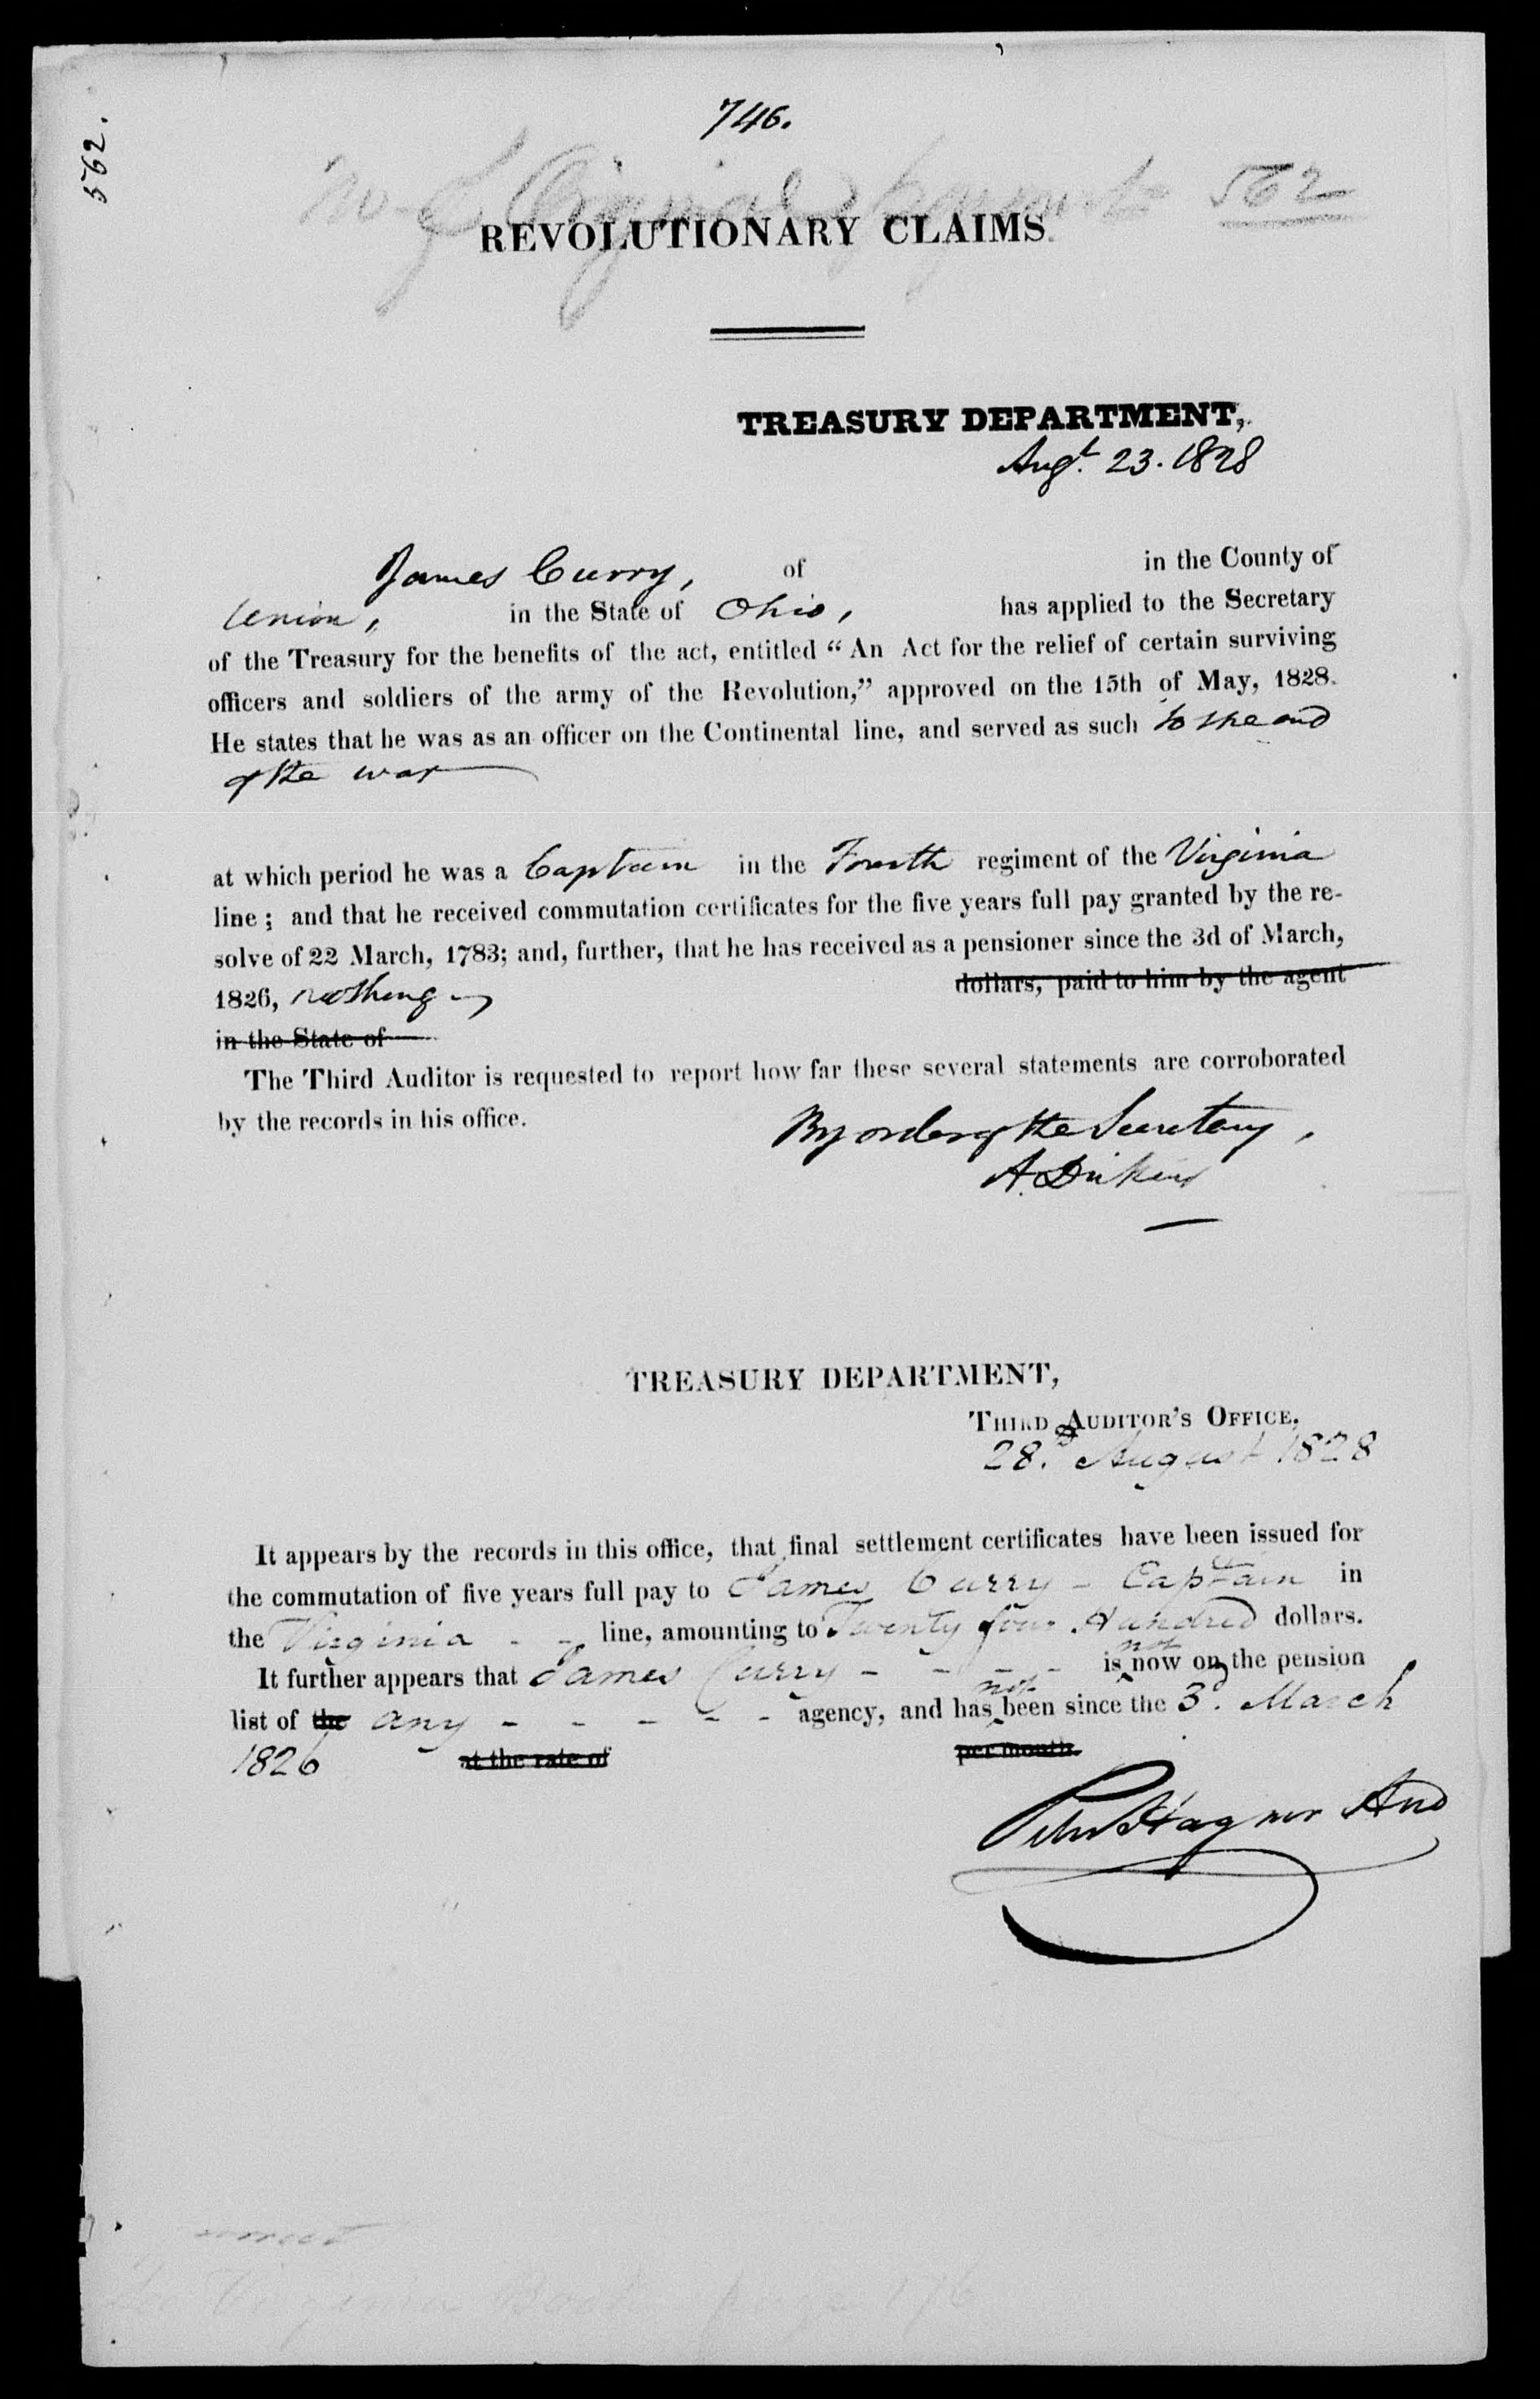746
REVOLUTIONARY CLAIMS
TREASURY DEPARTMENT
Augt. 23. 1828

James Curry, of  in the County of
Union, in the State of Ohio, has applied to the Secretary
of the Treasury for the benefits of the act, entitled "An Act for the relief of certain surviving
officers and soldiers of the army of the Revolution," approved on the 15th of May, 1828.
He states that he was an officer on the Continental line, and served as such to the end
of the war
at which period he was a Captain in the Fourth regiment of the Virginia
line; and that he received commutation certificates for the five years full pay granted by the resolve
of 22 March, 1783; and further, that he has received as a pensioner since the 3d of March,
1826, nothing [crossed out] dollars, paid to him by the agency 
in the State of
The Third Auditor is requested to report how far these several statements are corroborated
by the records in his office.
By order of the Secretary,
A.Dickens

TREASURY DEPARTMENT
THIRD AUDITORS OFFICE
28th August 1828
It appears by the records in this office, that final settlement certificates have been issued for
the commutation of five years full pay to James Curry - Captain in
the Virginia line, amounting to Twenty four Hundred dollars.
It further appears that James Curry is not now on the pension
list of any agency, and has not been since 3d. March
1826
Peter Hagner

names: James Curry, James Curry, A Dickins, James Curry, Peter Hagner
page: 20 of 32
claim: survivor's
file: S. 44230, James Curry, Va.